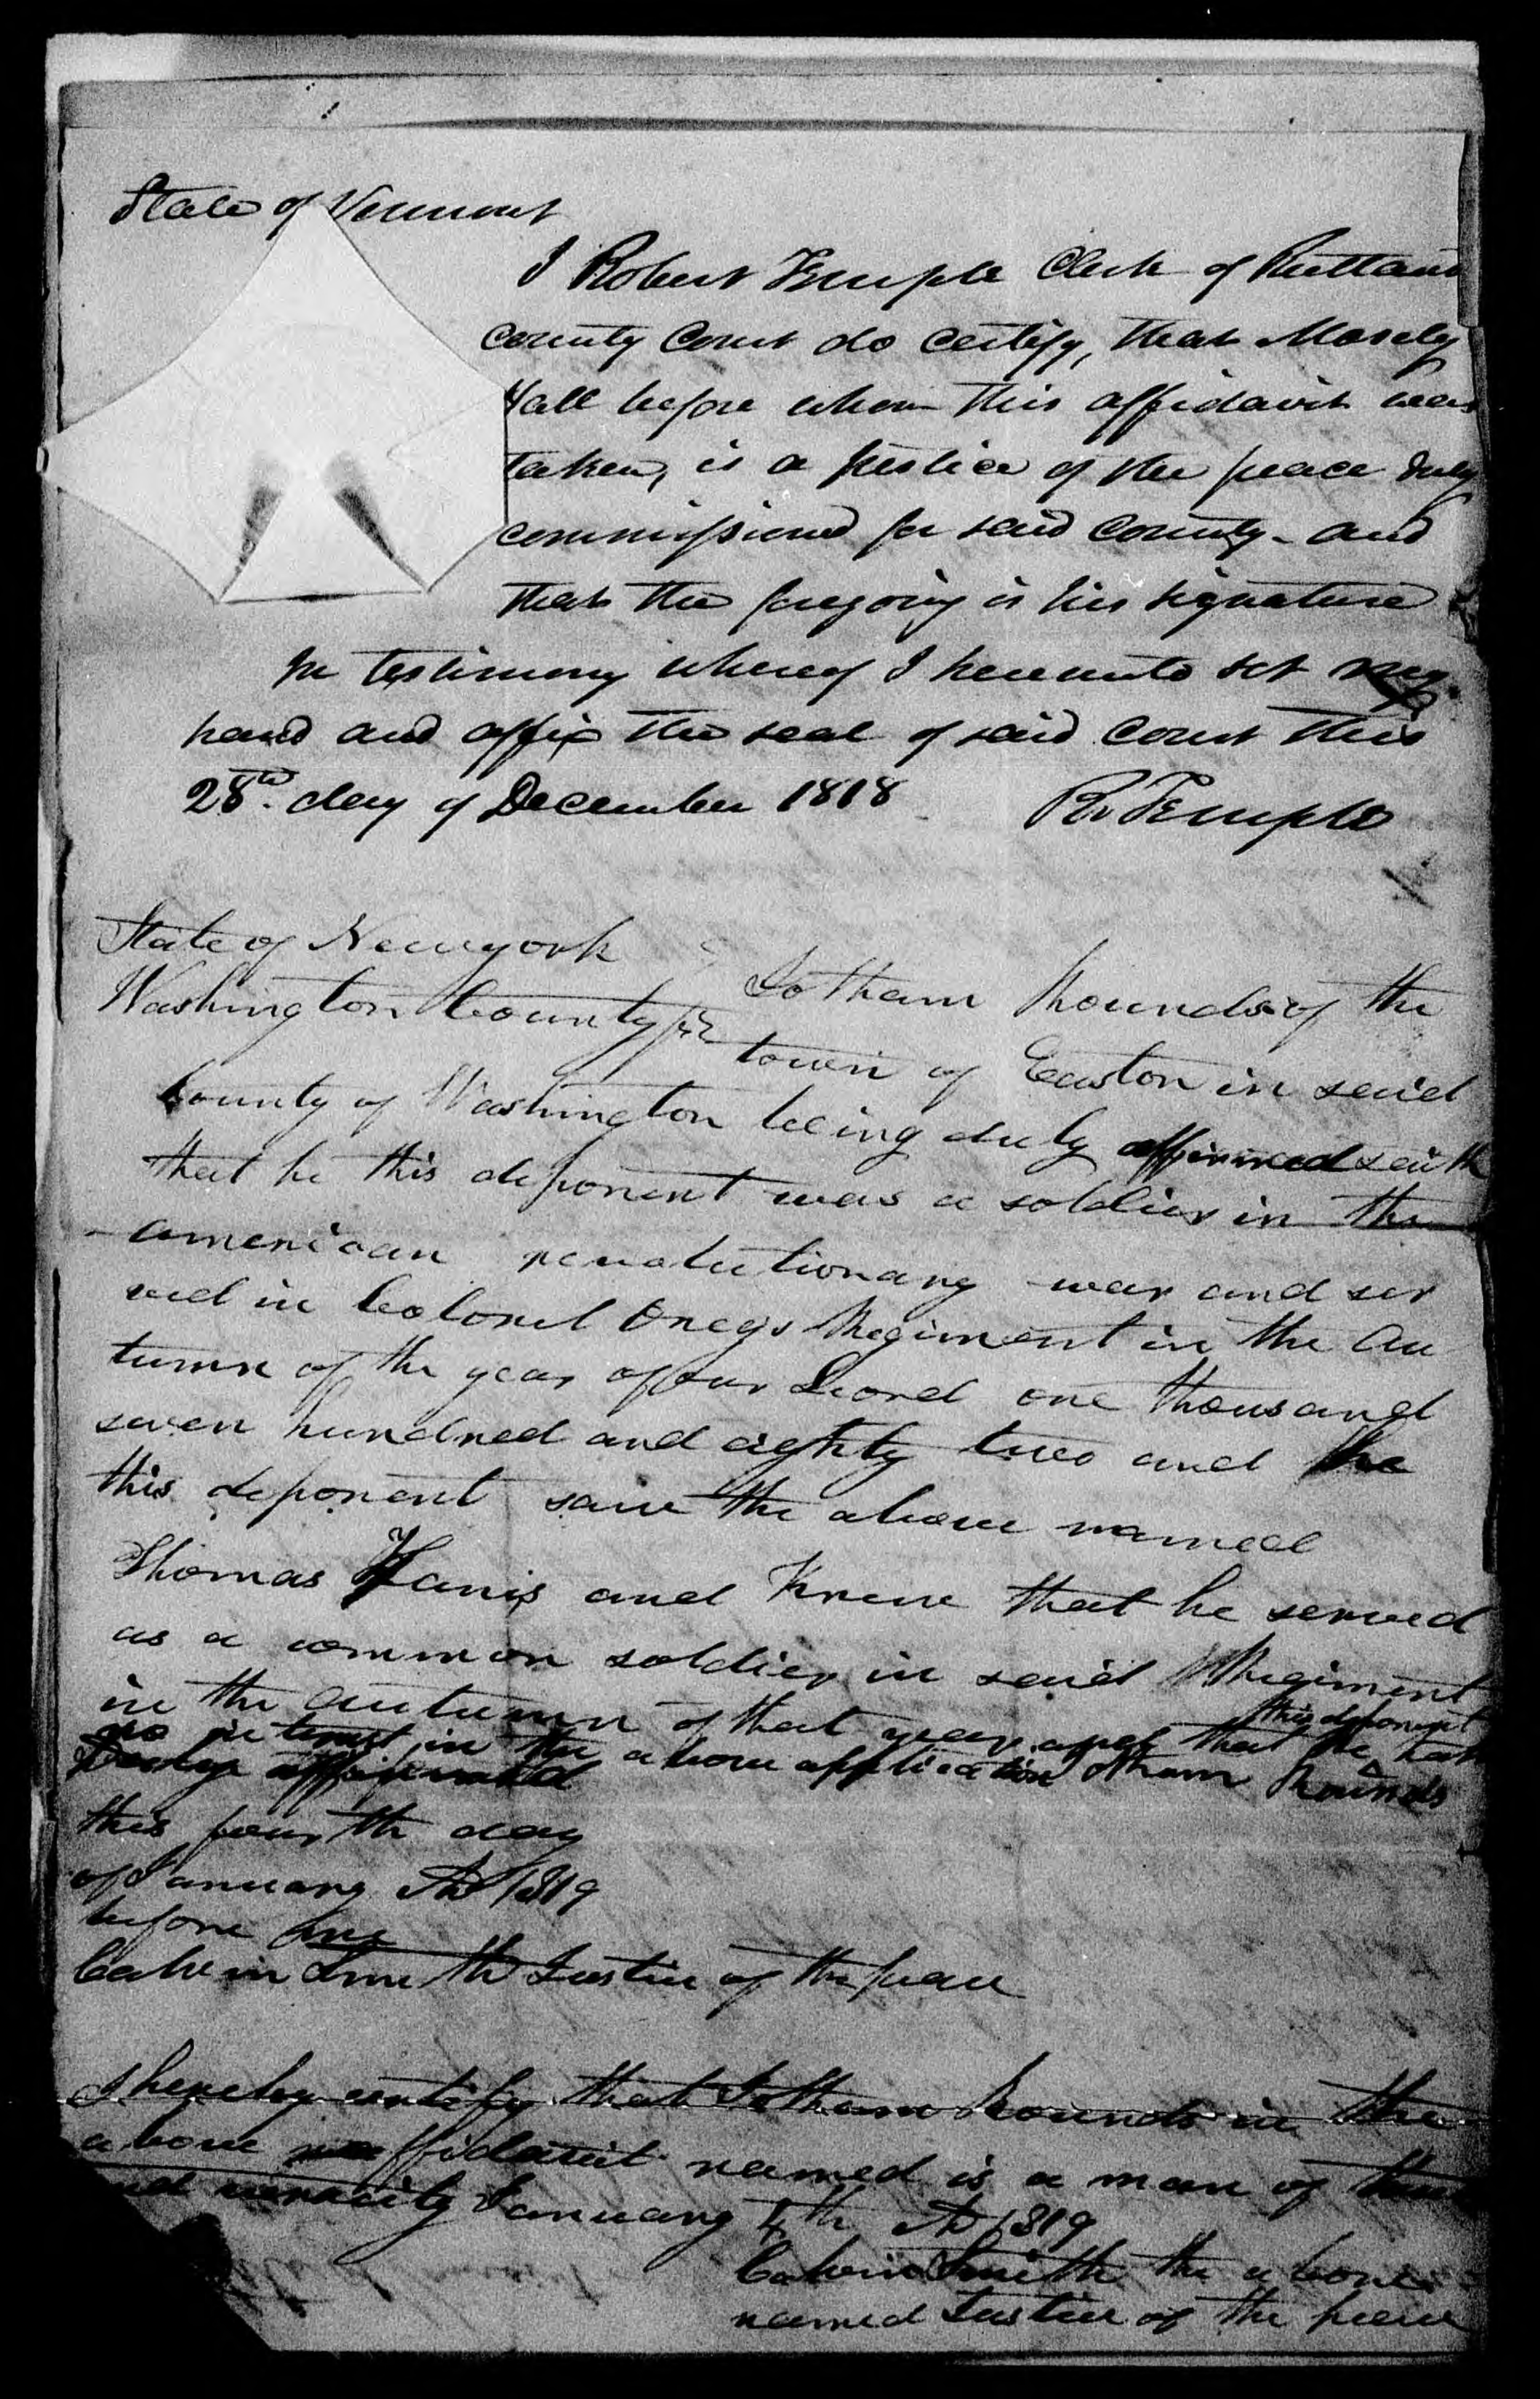State of Vermont I Robert Templeo Clerk of Rutland county court do certify, that Mosley Hall before whom this affidavit was taken is a Justice of the peace duly commissioned for said county and that the foregoing is his signature In testimony whereof I hereunto set my hand and affix the seal of said court this 28th day of December 1818. R. Temple. 
State of New York Washington County ss. Jothan Rounds of the town of Easton in said County of Washington being duly affirmed saith that he this deponent was a soldier in the American revolutionary war and served in Colonel Oney's Regiment in the Autumn of the year of our Lord one thousand seven hundred and eighty two and he this deponent said the above named Thomas Harris and knew that he served as a common soldier in said Regiment in the autumn of that year and this deponent [illegible] in the above application Jothan rounds this fourth day of January AD 1819 Calvin Smith Justice of the Peace 
I hereby certify that Jotham Rounds in the above affidavit named is a man of truth and veracity January 4th AD 1819 Calvin Smith the above named Justice of the Peace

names: Jotham Rounds, Thomas Harris, Calvin Smith, Robert Temple, Jotham Rounds, Mosely Hall, Ro Temple, Calvin Smith, Jotham Rounds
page: 13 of 16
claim: survivor's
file: S. 38815, Thomas Harris, R.I.